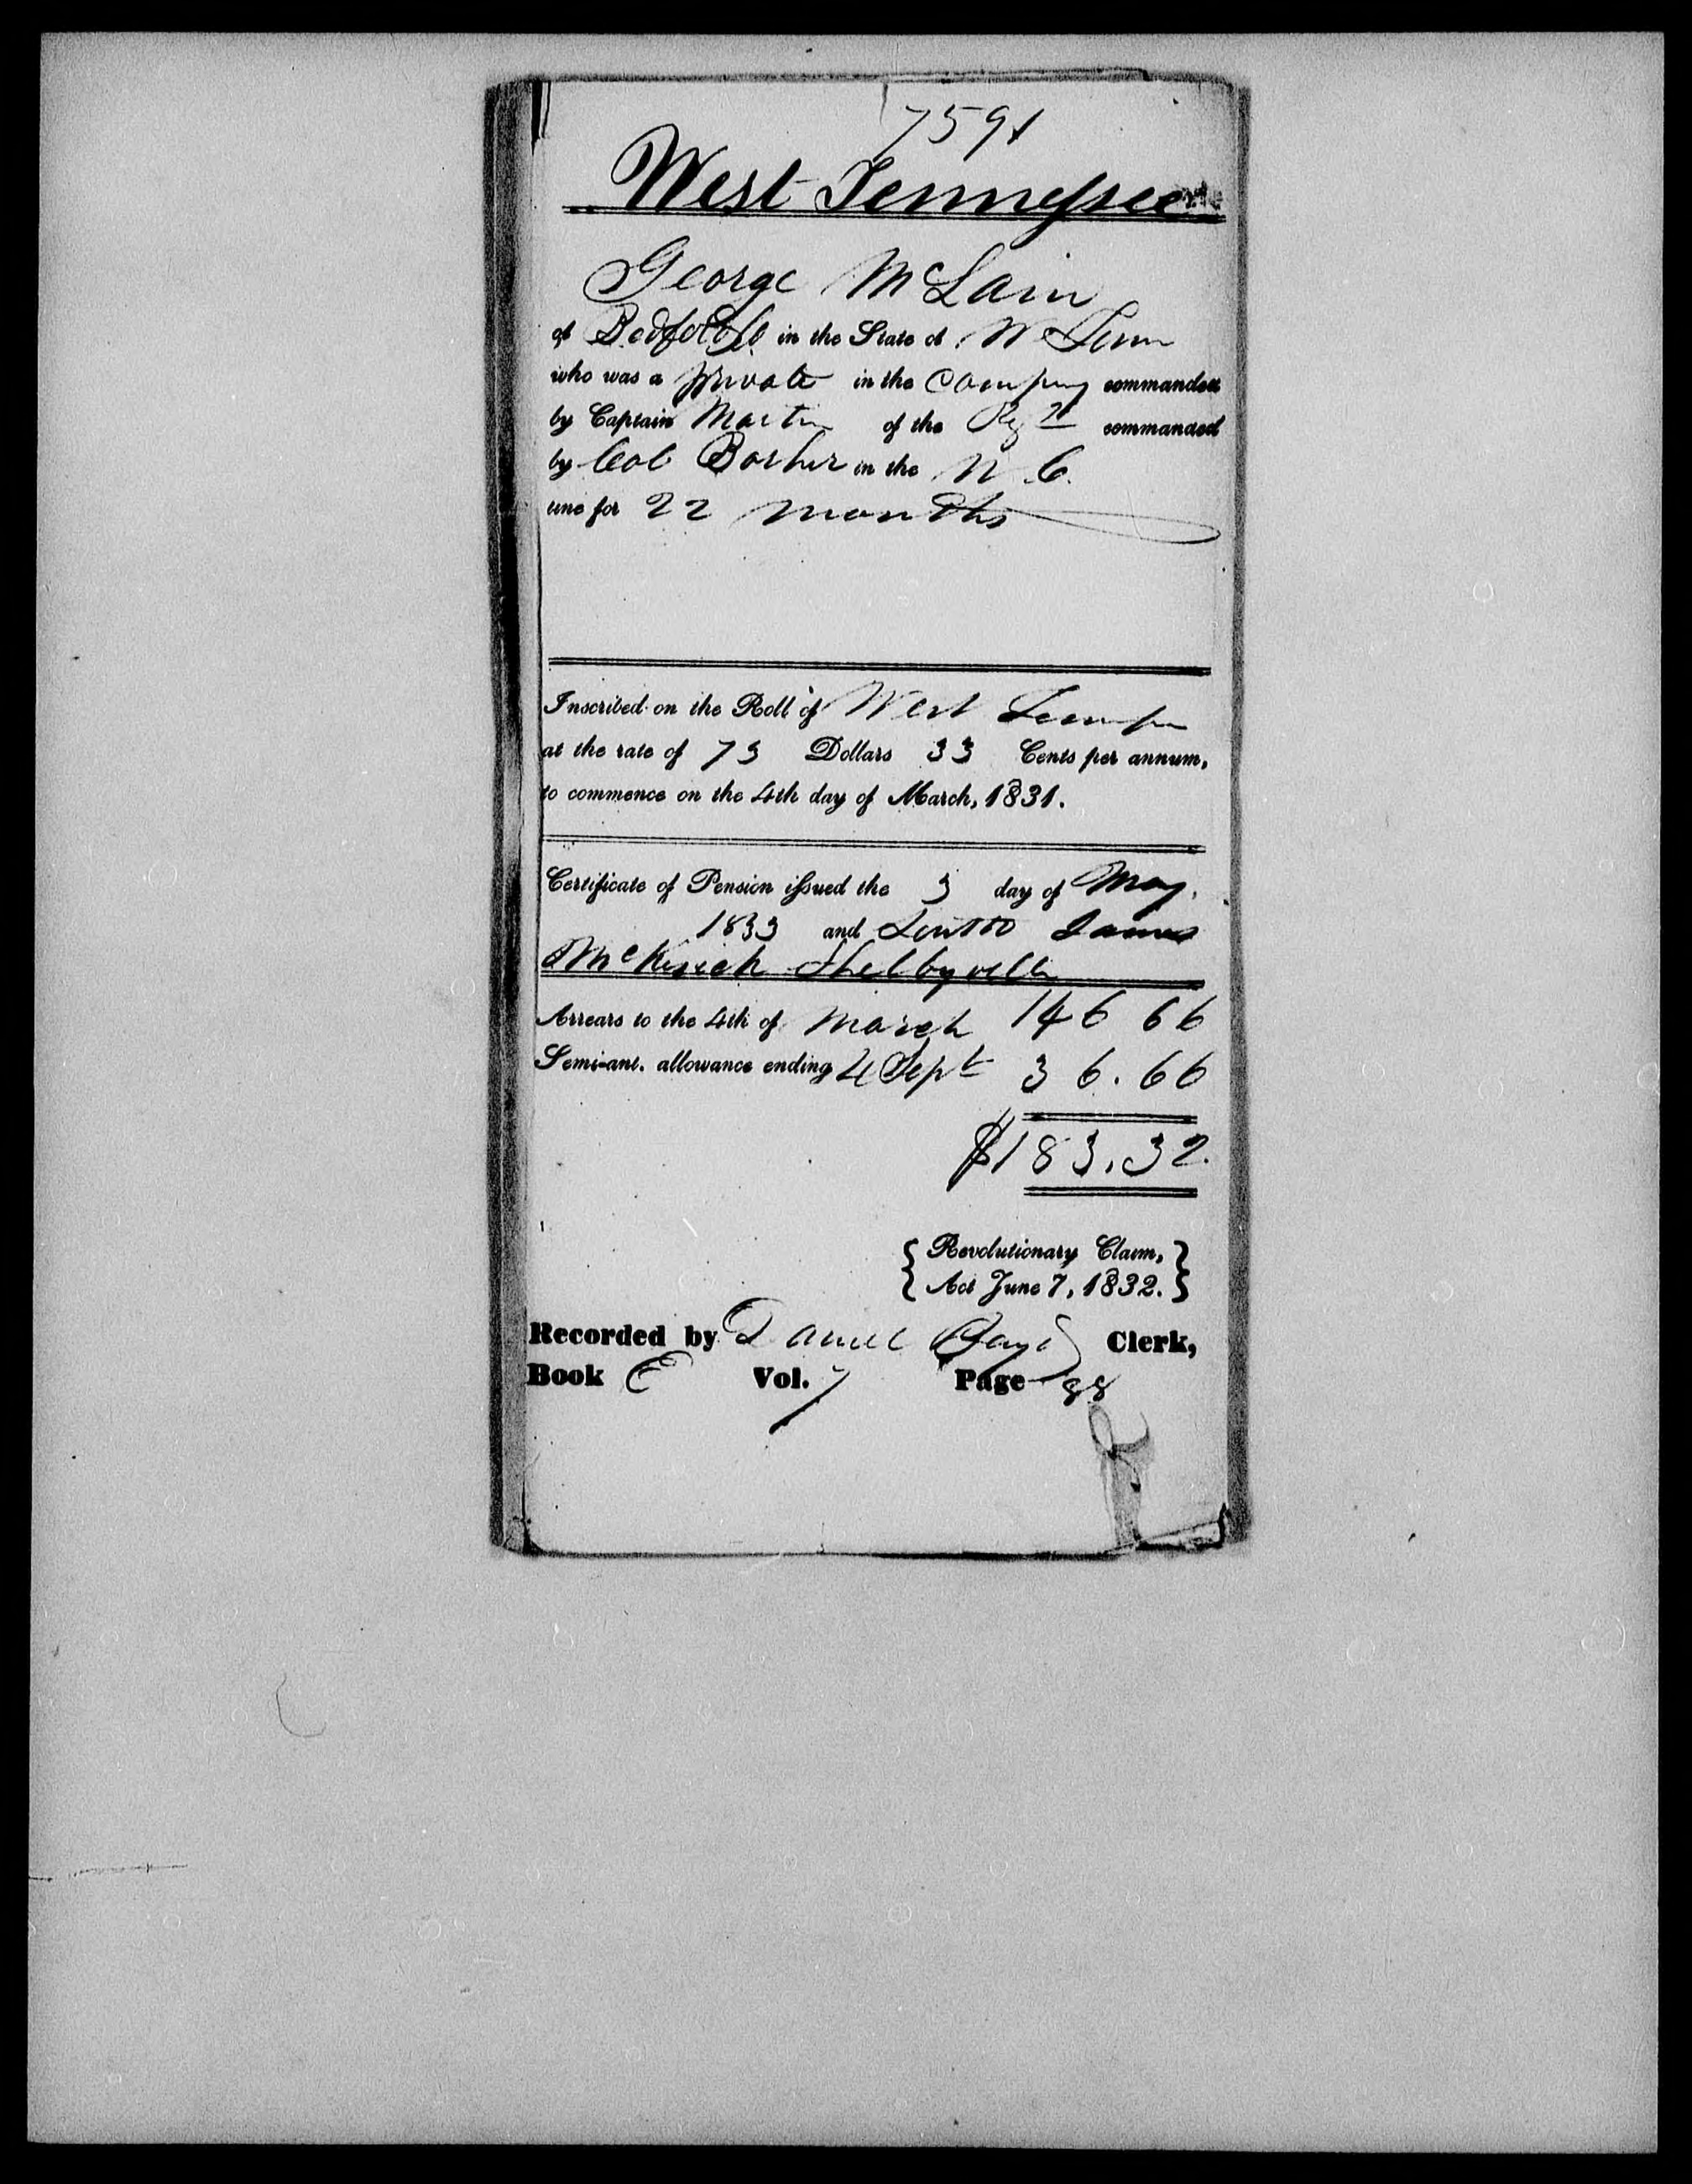[typed form, with handwritten responses]

7591
West Tennessee
George McLain
Of Bedford Co. in the State of W. Tenn. who was a private in the company commanded by Captain Martin of the Regt. commanded by Col. Barber in the N. C. line for 22 months

Inscribed on the Roll of West Tennessee
at the rate of 73 Dollars 33 Cents per annum,
to commence on the 4th day of March 1831.

Certificate of Pension issued the 5 day of May 1833 and sent to James McKisick Shelbyville

Arrears to the 4th of March 146.66
Semi=anl. [annual] allowance ending 4 Sept. 36.66
$183.32

{Revolutionary Claim}
{Act June 7, 1832}

Recorded by Daniel Boyd, Clerk
Book E Vol. 7 Page 88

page: 2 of 67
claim: widow's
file: W. 21793, for George Mc Lain, North Carolina